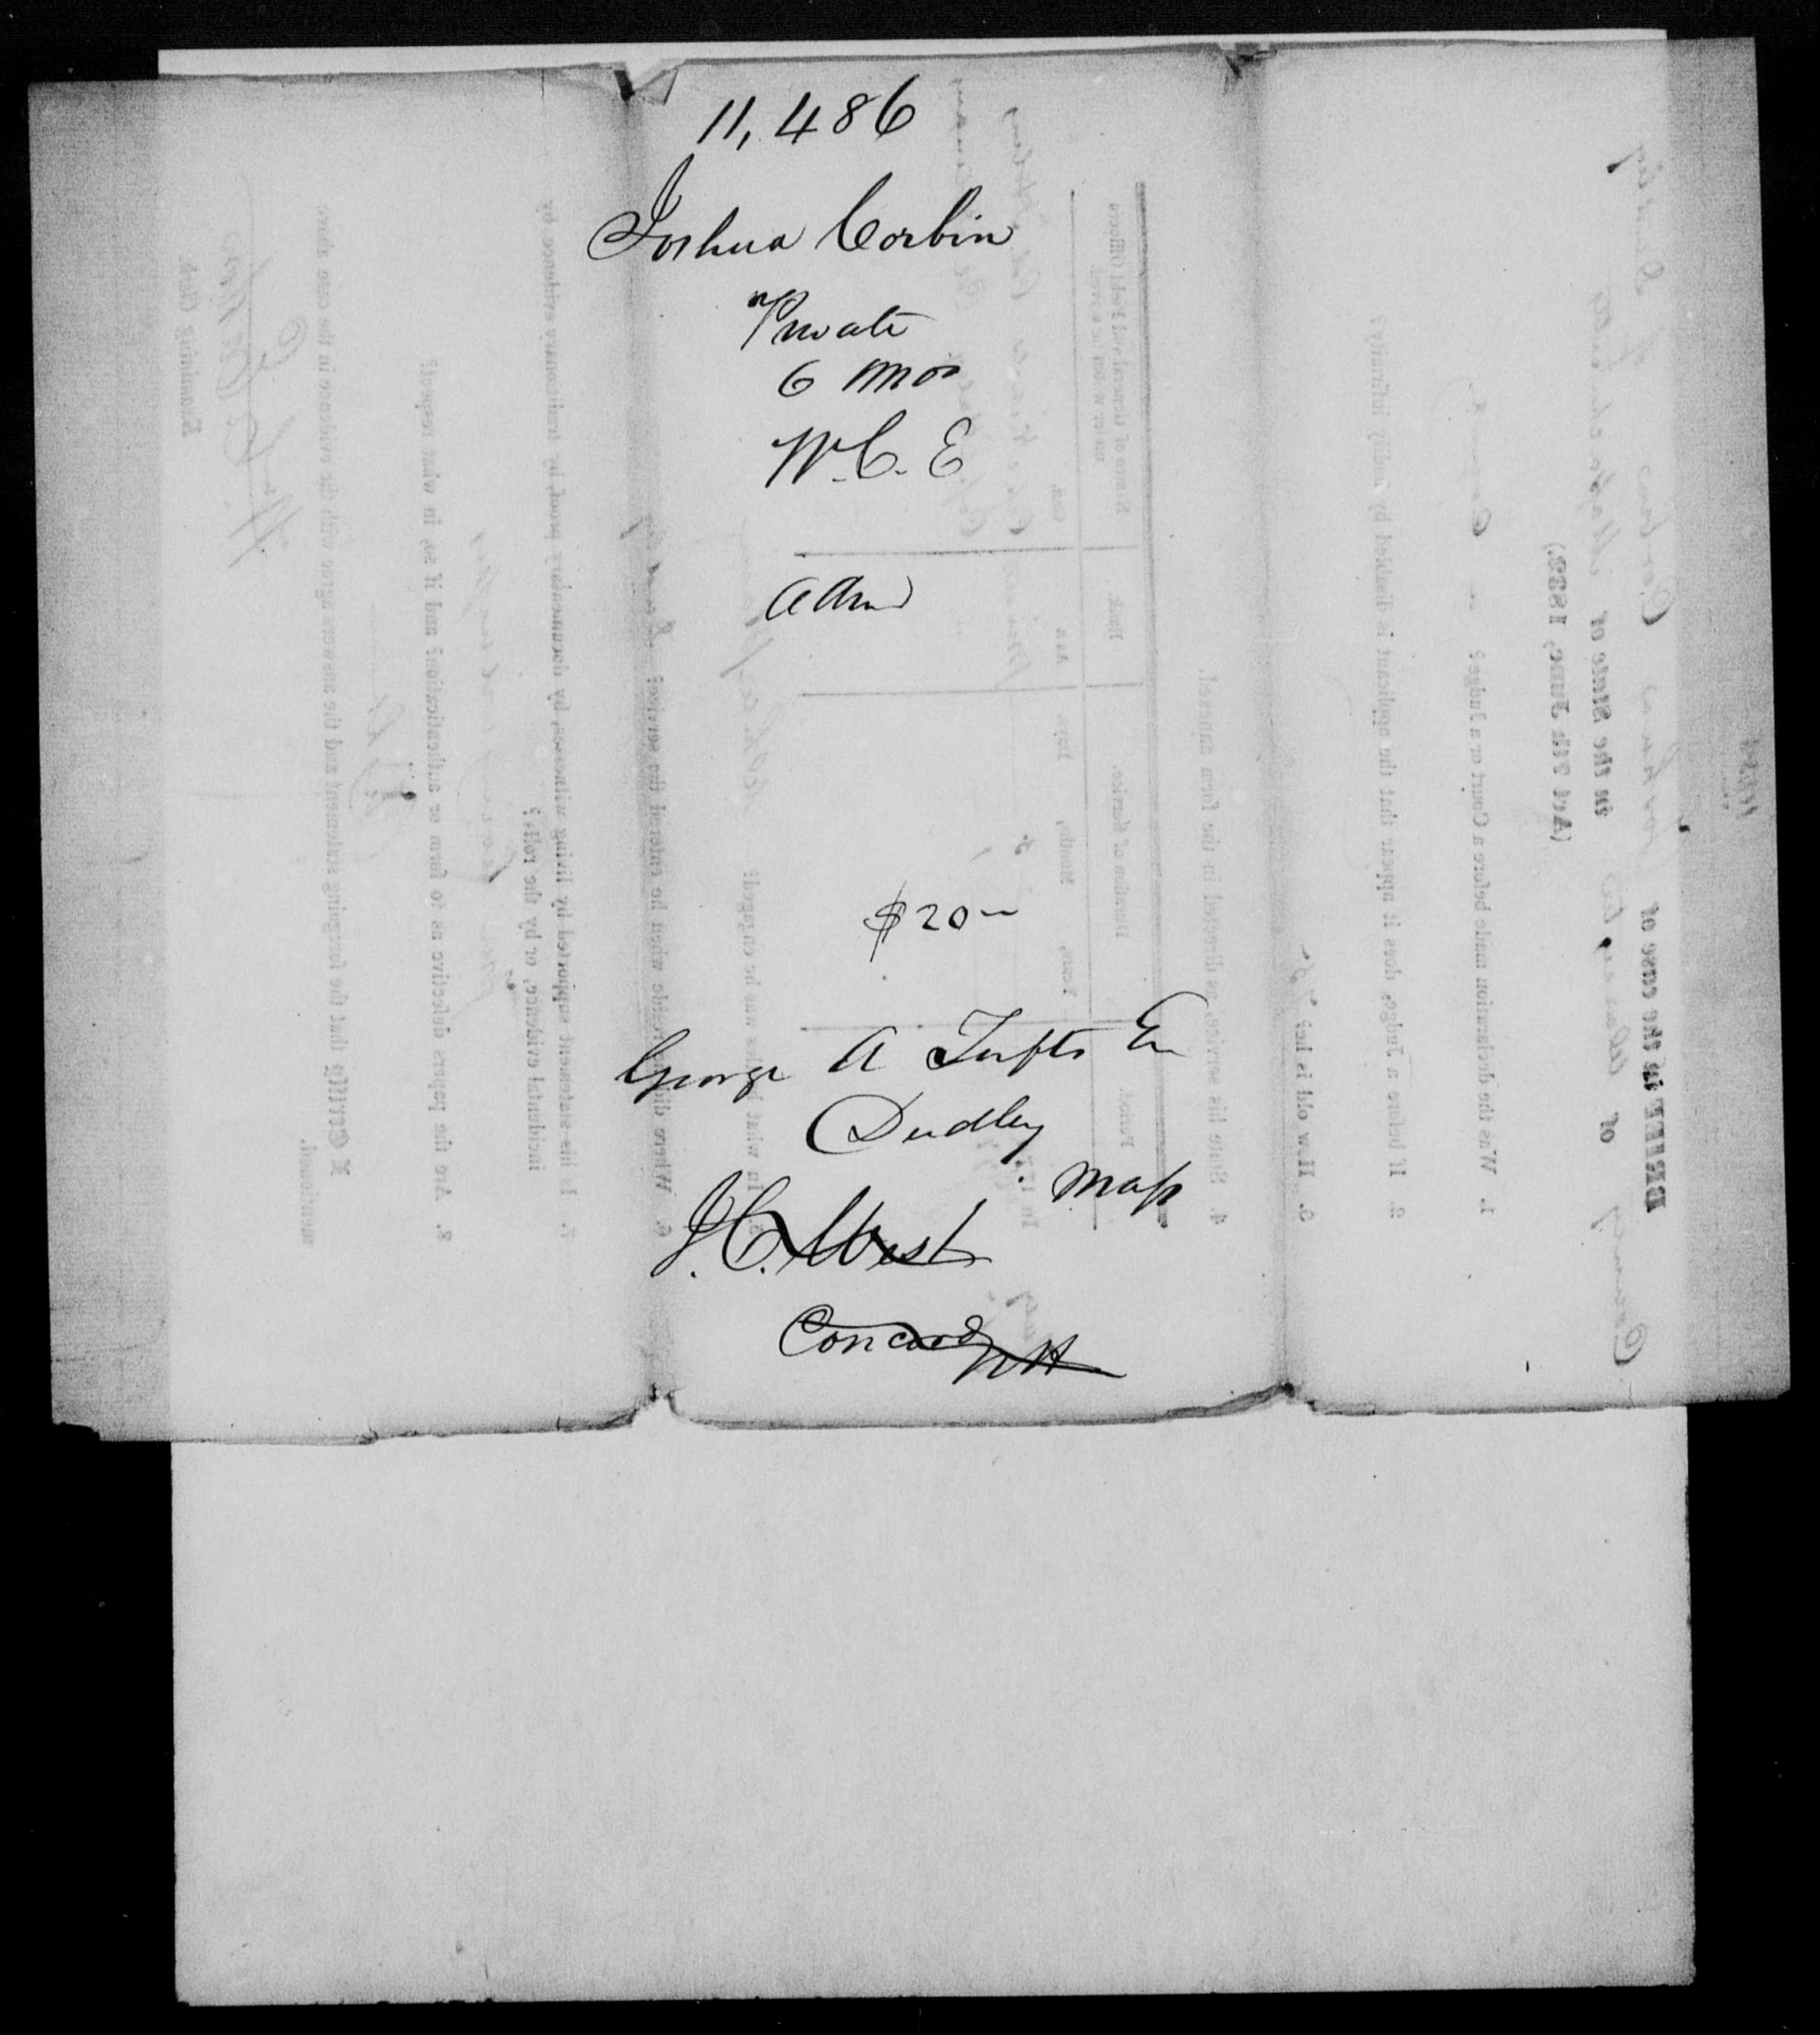11,486
Joshua Corbin
Private
6 mos
W C E

$20
George A Tufts Ewq
Dudley
Map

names: Joshua Corbin, J C West, George A Tufts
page: 6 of 34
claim: survivor's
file: S. 12581, Joshua Corbin, Mass.